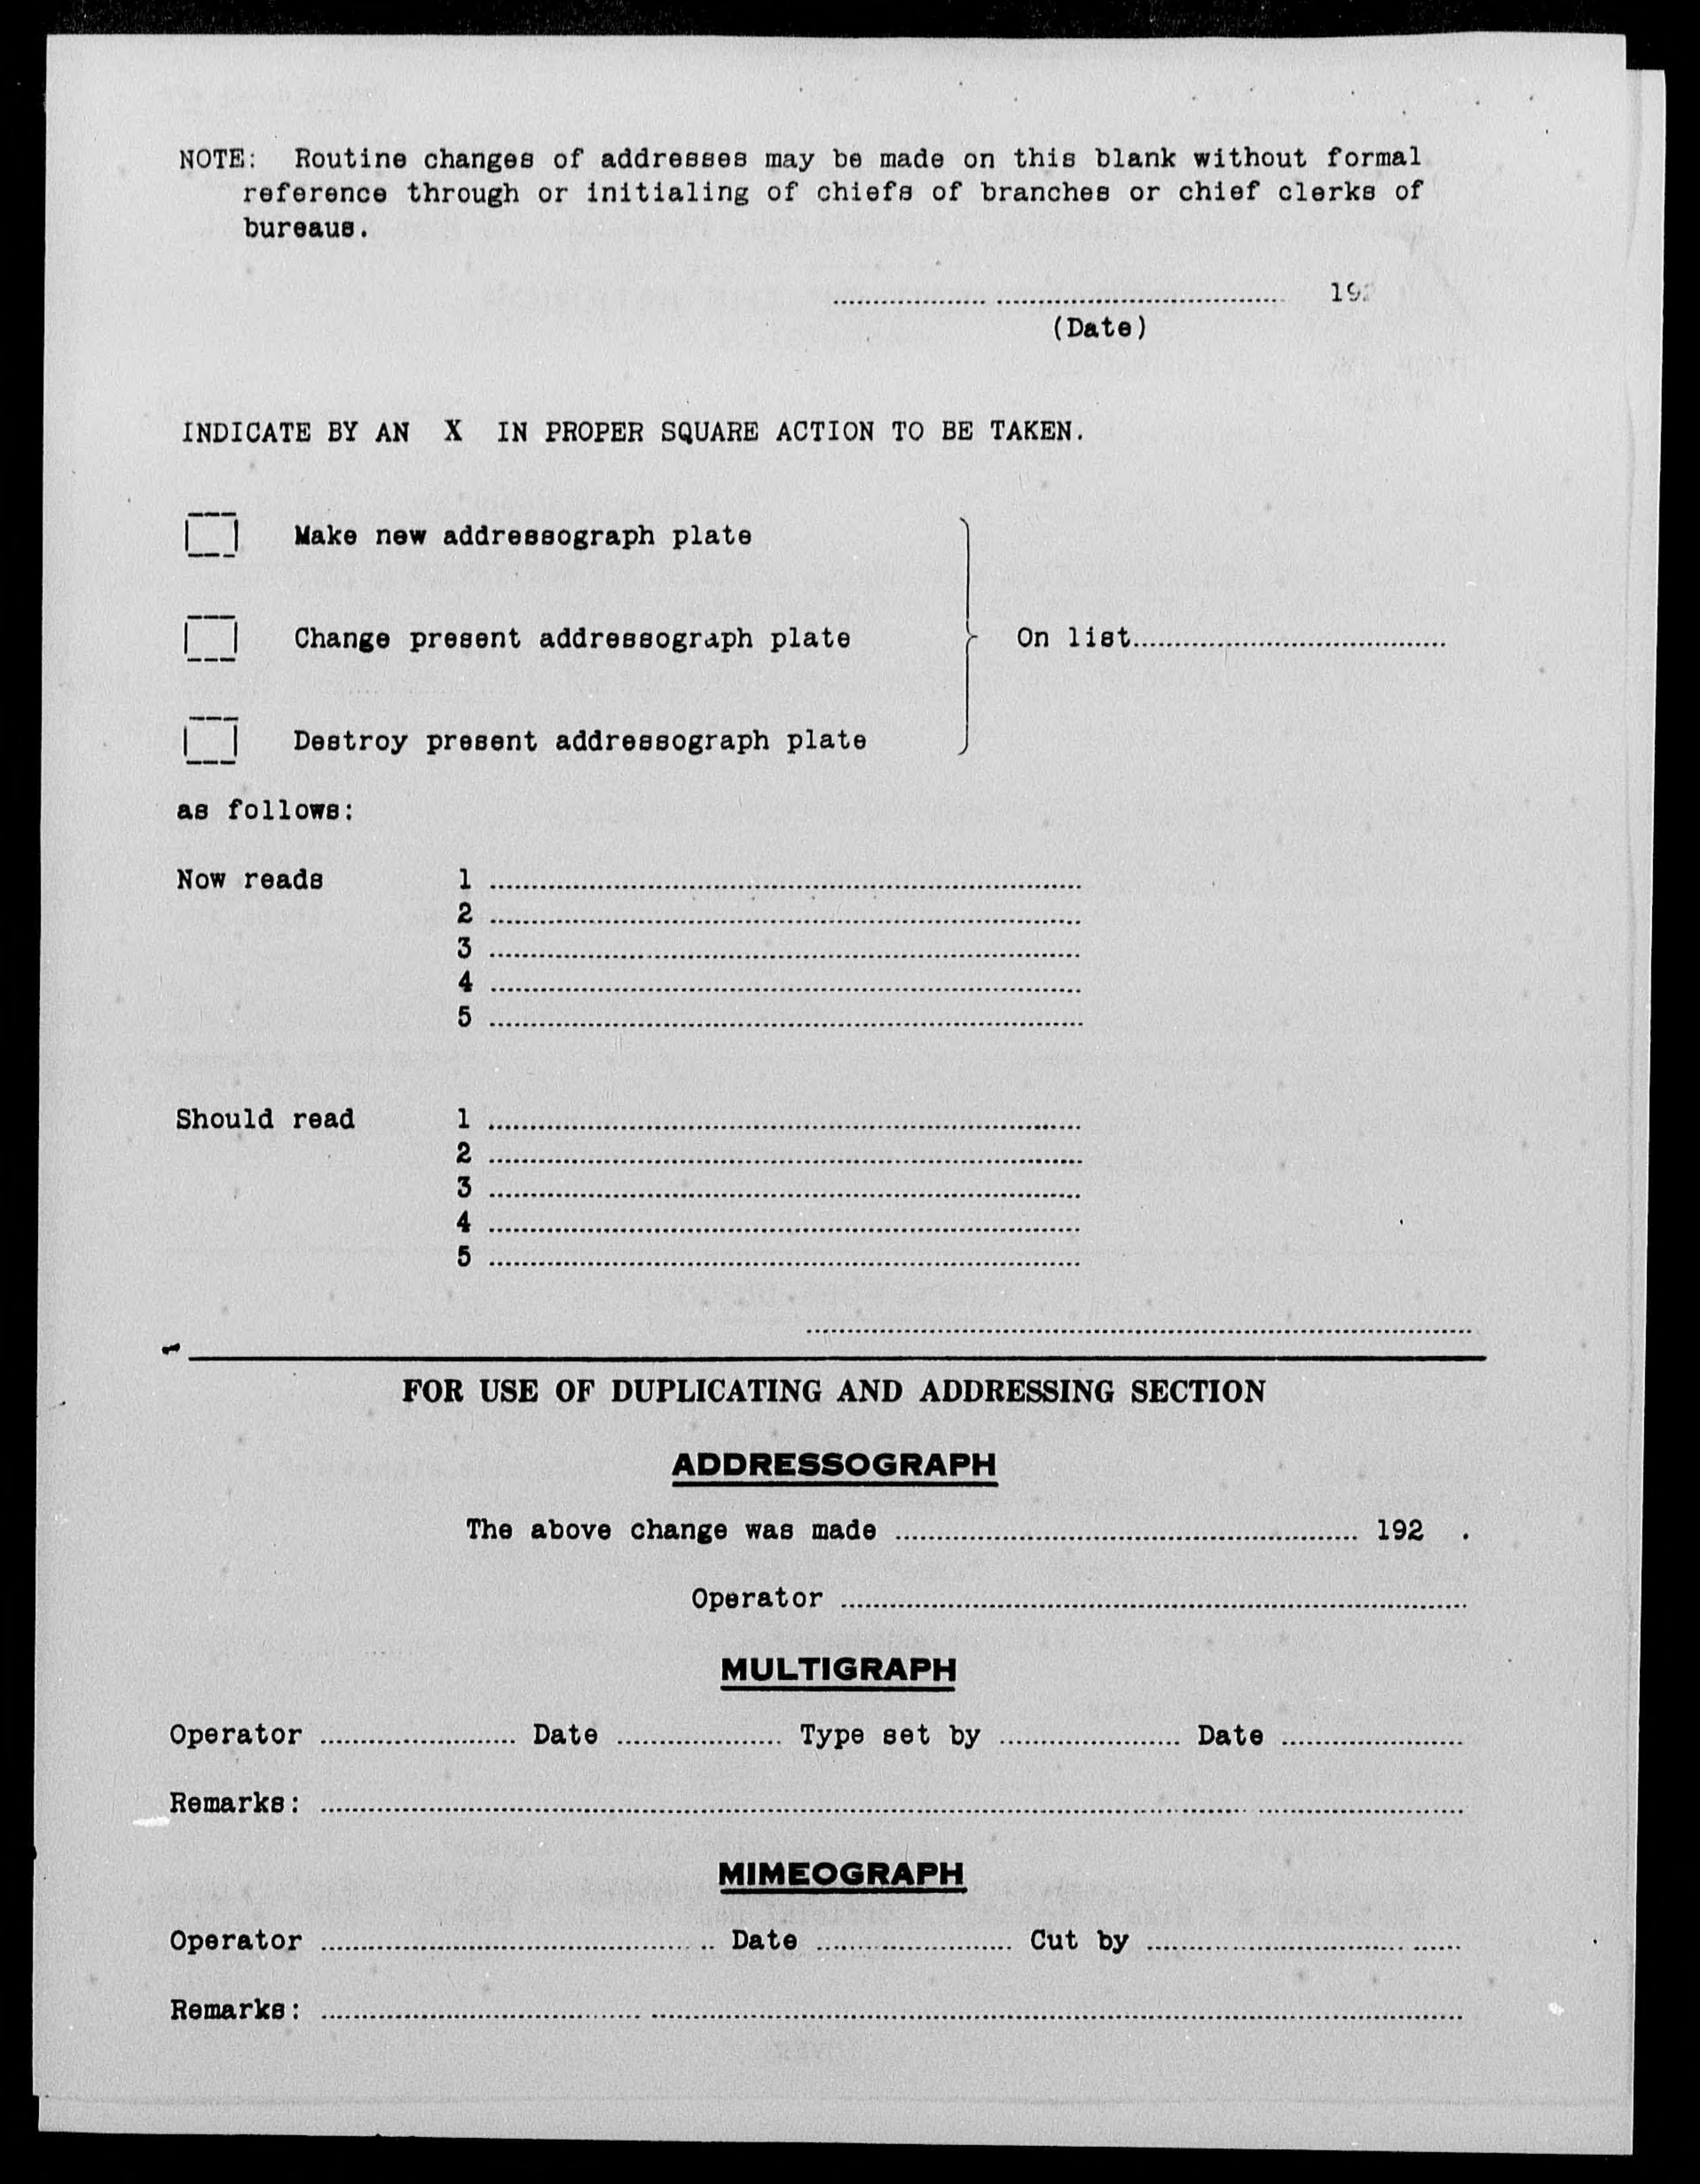NOTE: Routine changes of addresses may be made on this blank without formal
reference through or initialing of chiefs of branches or chief clerks of
bureaus.
( Date )
192

INDICATE BY AN X IN PROPER SQUARE ACTION TO BE TAKEN.
Make new addressograph plate
Change present addressograph plate
Destroy present addressograph plate
On list

as follows:
Now reads
1
2
3
4
5
Should read
1
2
3
4
5

FOR USE OF DUPLICATING AND ADDRESSING SECTION

ADDRESSOGRAPH
The above change was made 192
Operator


MULTIGRAPH
Operator
Date
Type set by
Date
Remarks:

MIMEOGRAPH
Operator
Date
Cut by
Remarks:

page: 31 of 65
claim: widow's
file: W. 8384, Arabia Brown, Va.